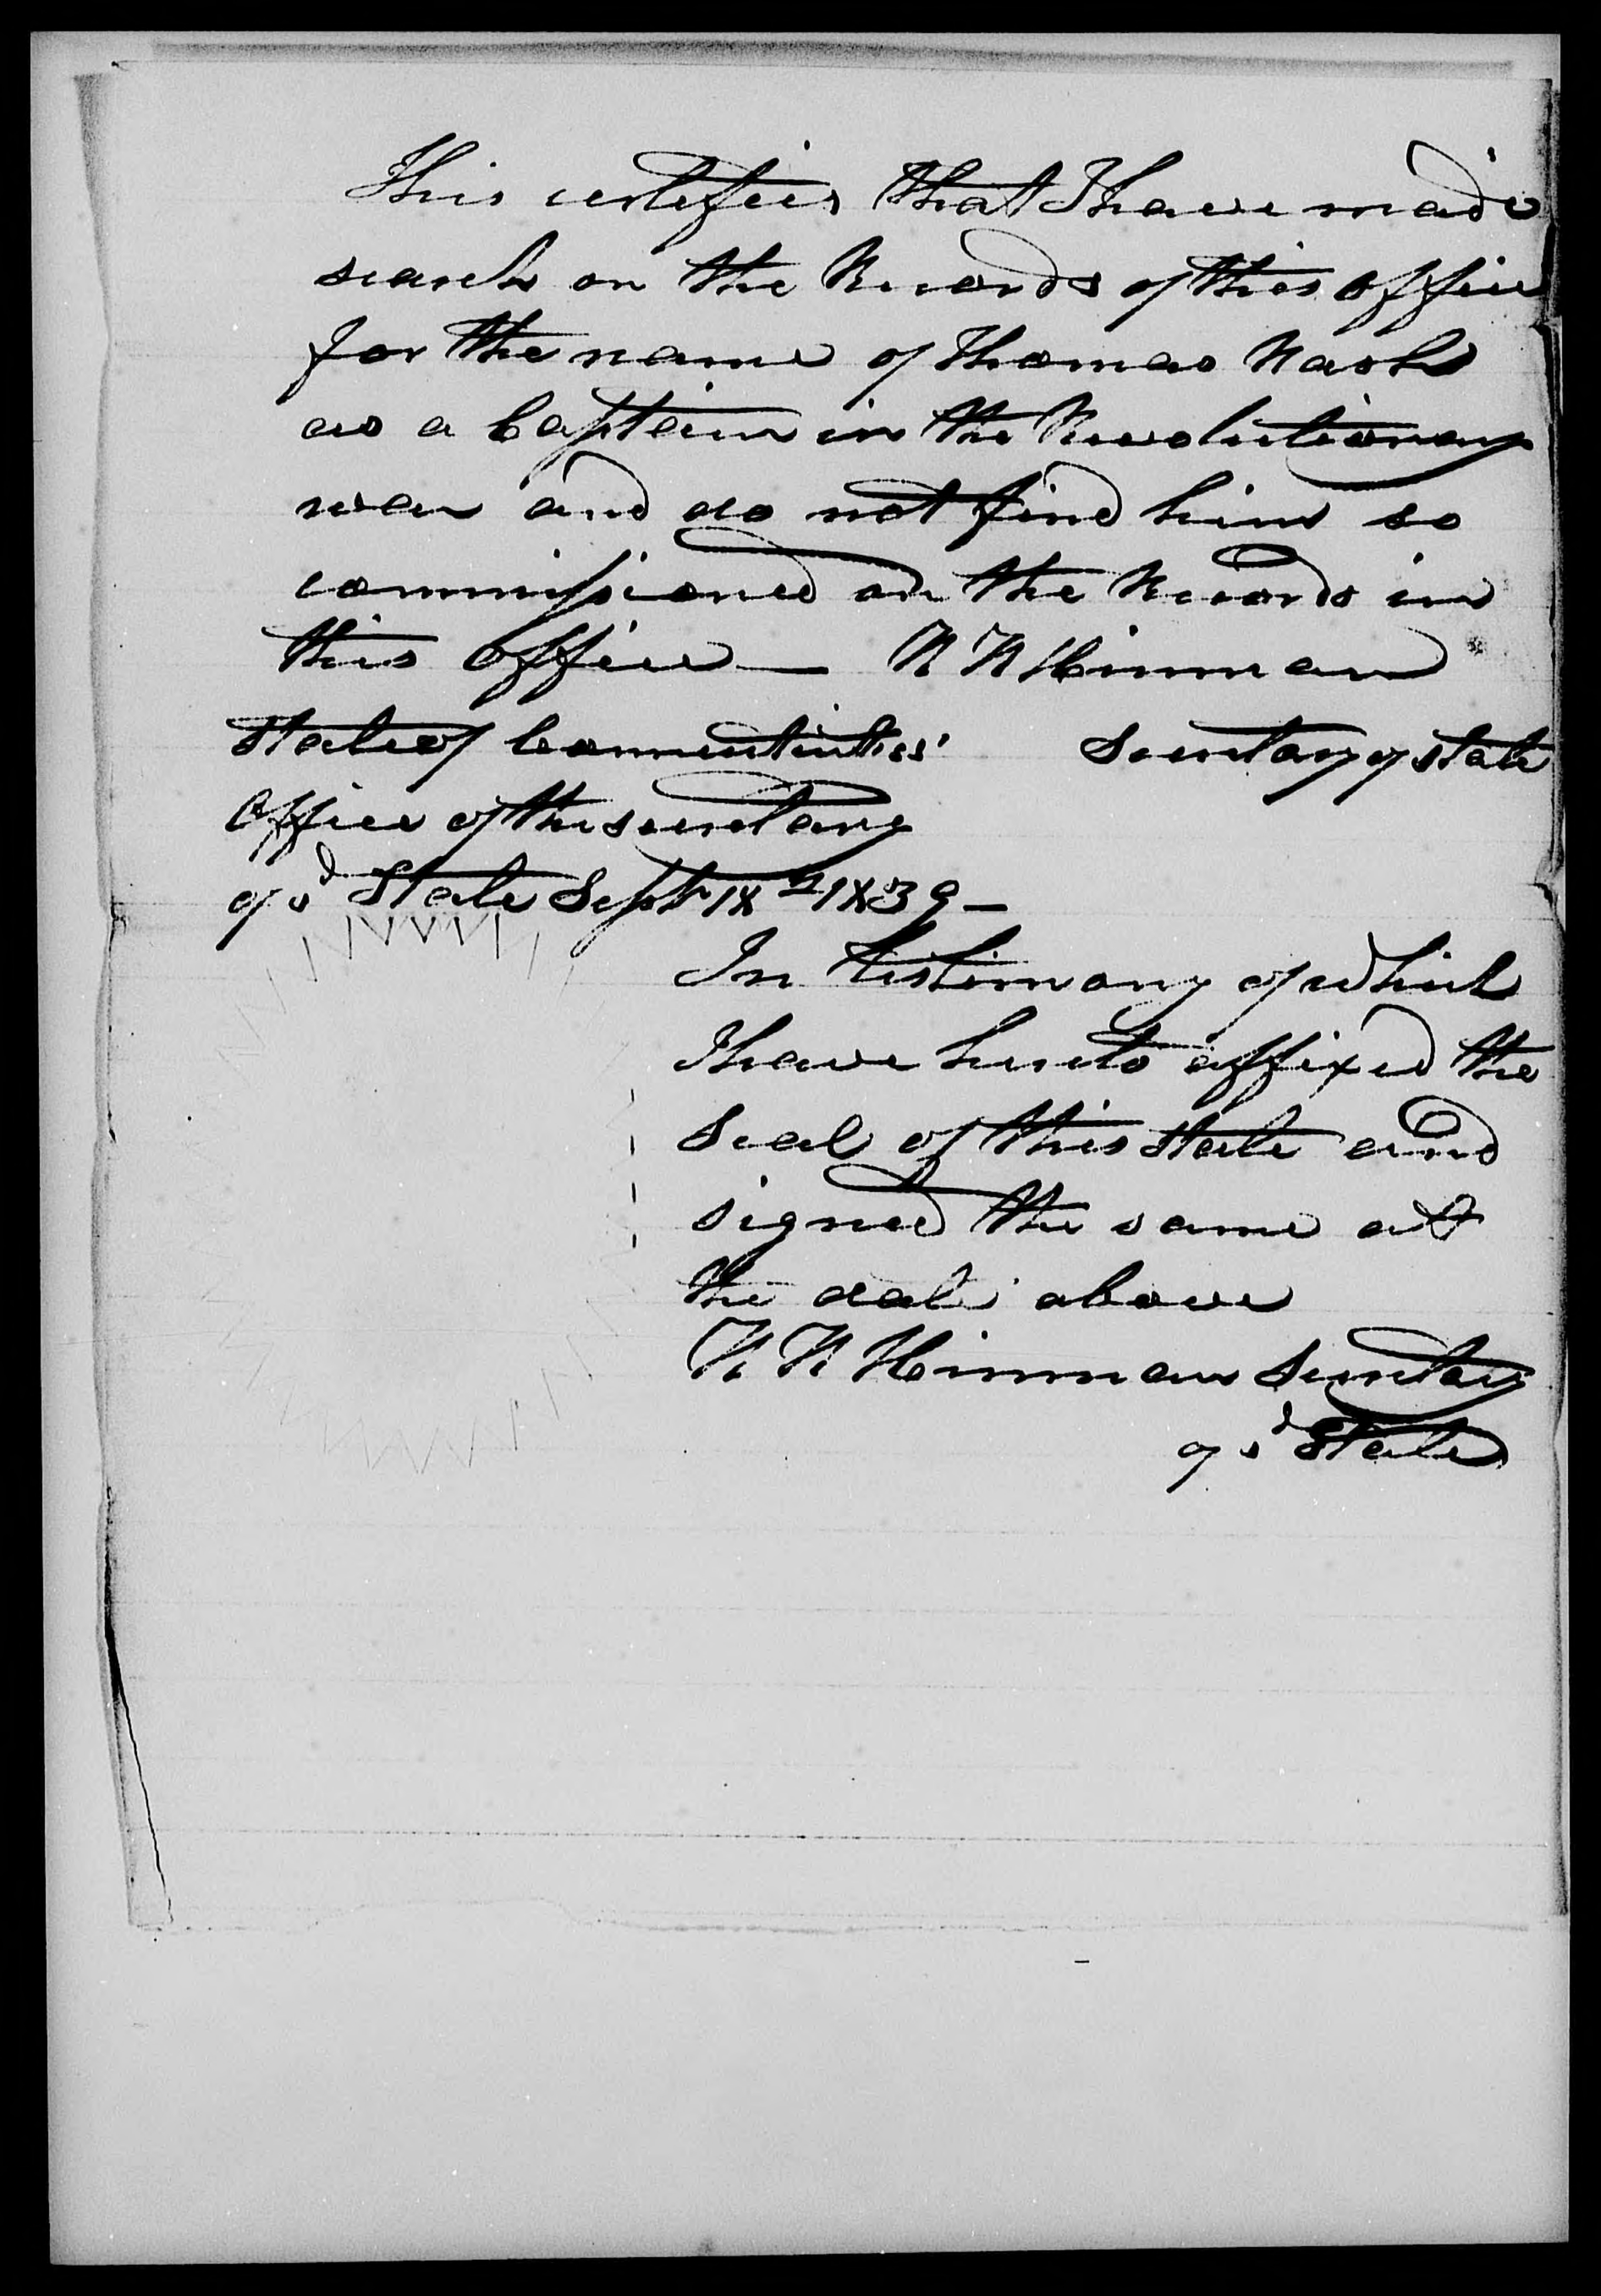This certified that I have made a search on the records of this office for the name of Thomas Nash as a Captain in the Revolutionary war and do not find him so commissioned on the record in this office. H H Himmons [unk] [unk] Secretary of State Office of the secretary of state Sept 18th 1839.

In testimony any of which I have hereunto affixed the seal of this State and signed the same as the seal above.

H H Himmons Secretary of State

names: H H Himmons, Thomas Nash, H H Himmons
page: 20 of 69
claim: widow's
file: W. 25562, Abijah Elwood, Conn.